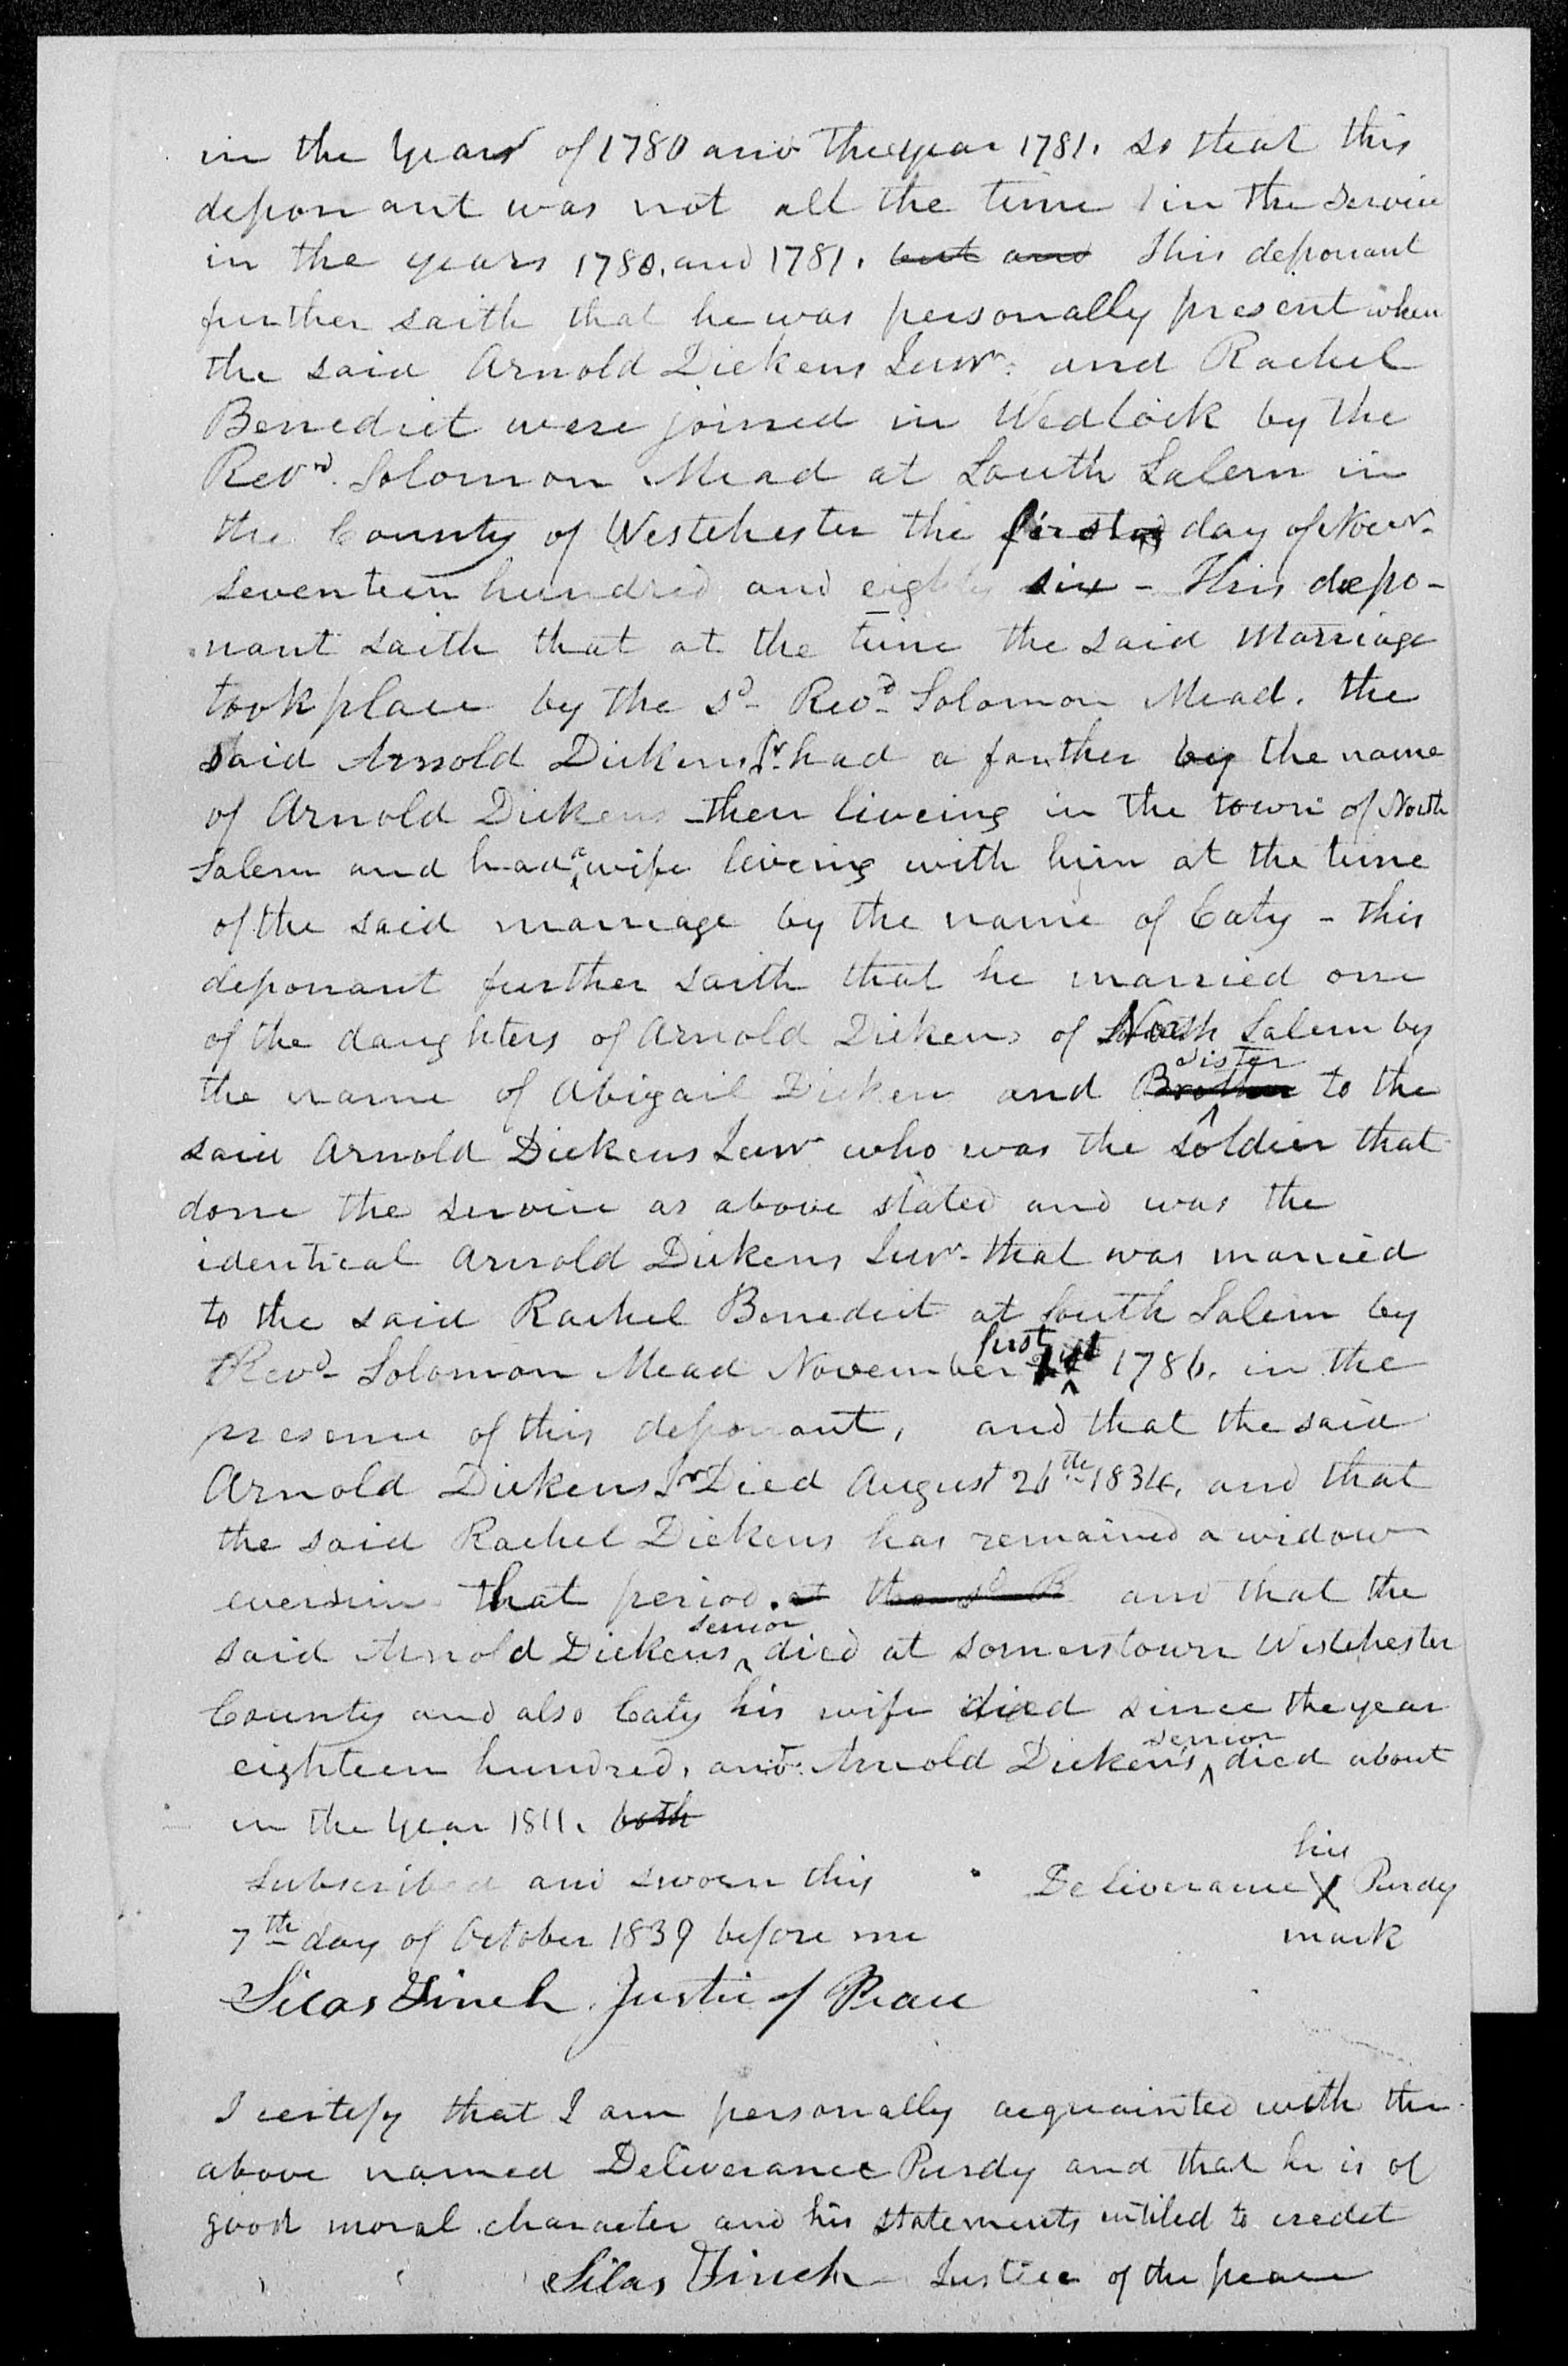in the year of 1780 and the year 1781. so that this deponant was not all the time in the service in the years 1780. and 1781.  This deponant further saith that he was personally present when the said Arnold Dickens Junr. and Rachel Benedict were joined in Wedlock by the Revd. Solomon Mead at South Salem in the County of Westchester the first day of Novr. Seventeen hundred and eighty six - This deponant saith that at the time the said marriage took place by the sd. Revd. Solomon Mead, the said Arnold Dickens Jr. had a father by the name of Arnold Dickens then liveing in the town of North Salem and had ^a wife liveing with him at the time of the said marriage by the name of Caty - this deponant further saith that he married one of the daughters of Arnold Dickens of North Salem by the name of Abigail Dickens and ^sister to the said Arnold Dickens Junr. who was the soldier that done the service as above stated and was the identical Arnold Dickens Junr. that was married to the said Rachel Benedict at South Salem by Revd. Solomon Mead November 1st ^first 1786. in the presence of this deponant, and that the said Arnold Dickens Junr. Died August 26th 1834.  and that the said Rachel Dickens has remained a widow ever since that period.  and that the said Arnold Dickens ^Senior died at Somerstown Westchester County and also Caty his wife died since the year eighteen hundred, and Arnold Dickens ^Senior died about the year 1811.
Deliverance [X his mark] Purdy
Subscribed and sworn this 7th day 
of October 1839 before me
Silas Finch Justice of Peace

I certify that I am personally acquainted with the above named Deliverance Purdy and that he is of good moral character and his statements entiled to credit
Silas Finch Justice of the peace

Copyists note:  Copied as per original document including errors.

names: Rachel Benedict, Arnold Dickens, Arnold Dickens, Arnold Dickens, Silas Finch, Deliverance Purdy, Solomon Mead, Arnold Dickens, Arnold Dickens, Rachel Dickens, Arnold Dickens, Deliverance Purdy, Solomon Mead, Arnold Dickens, Solomon Mead, Rachel Benedict, Arnold Dickens, Silas Finch, Arnold Dickens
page: 25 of 29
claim: widow's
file: W. 17720, Arnold Dickens, New York